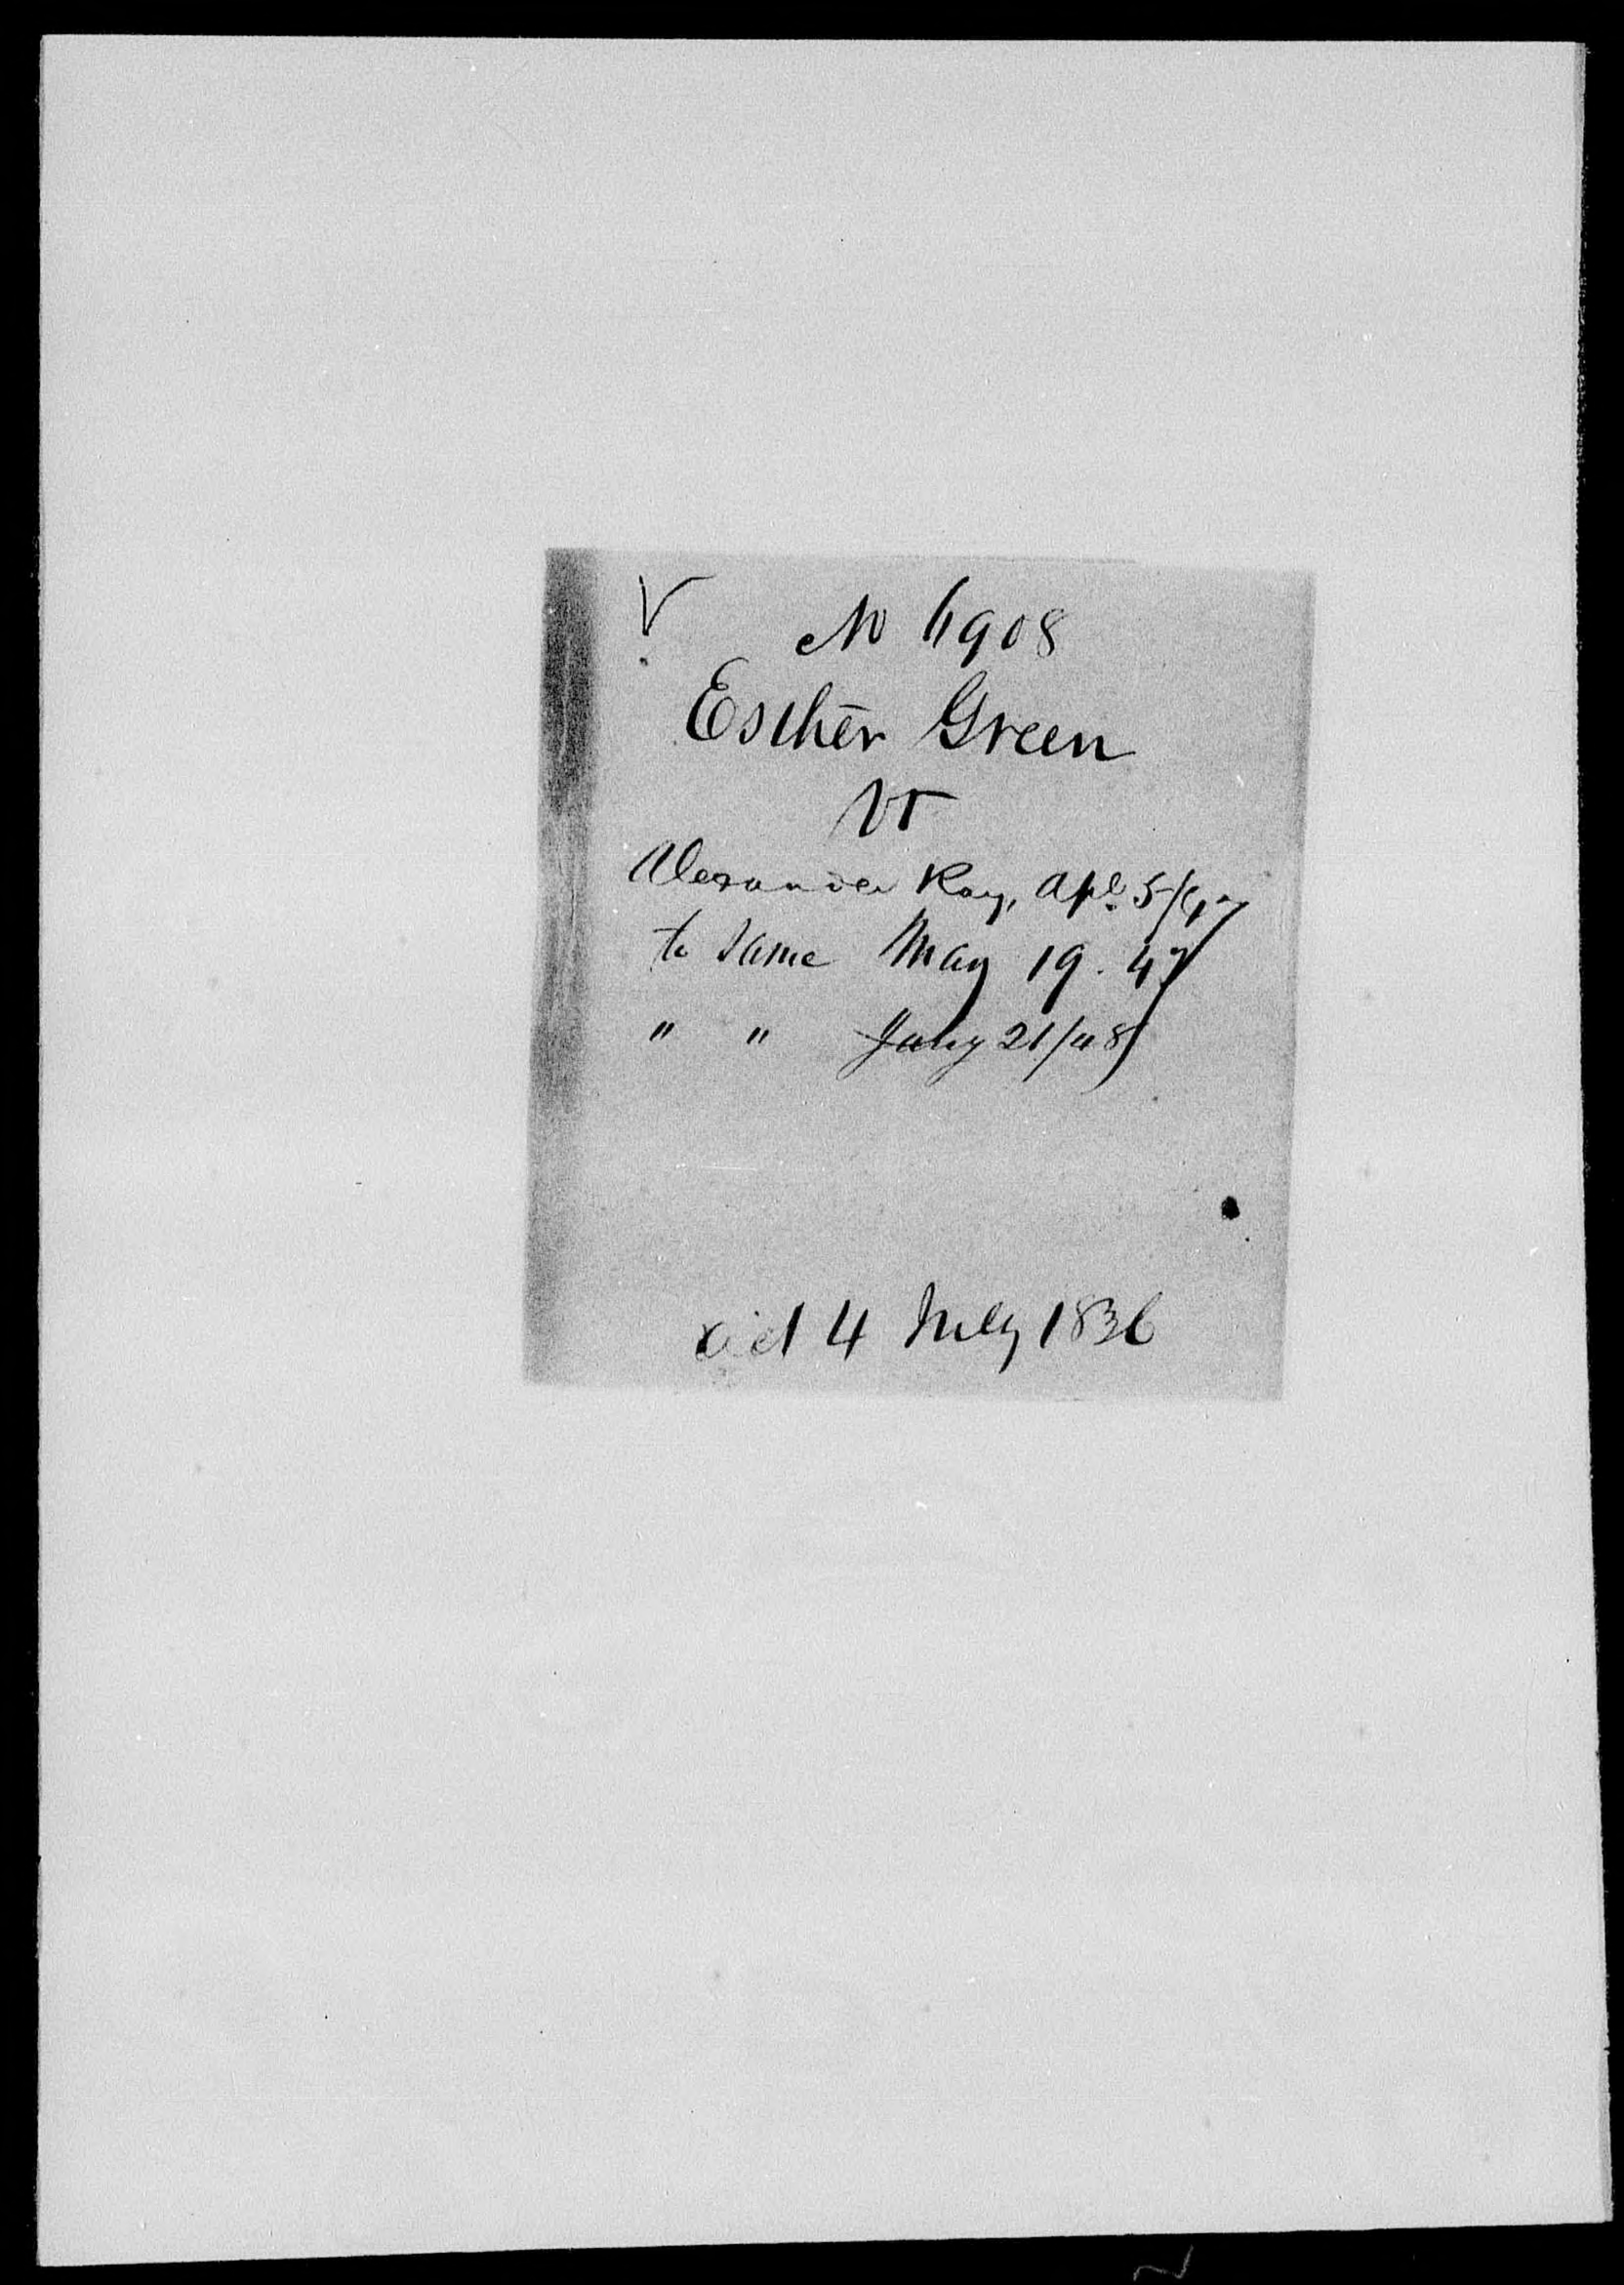No 1 1908
Esther Green
VT
Alexander Ray Apr 5/47
to same.          May 19/47
"  "                  July 21/48



D--d 4 July 1836?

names: Alexander Ray, Esther Green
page: 11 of 40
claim: rejected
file: R. 4251, John Green, Conn.